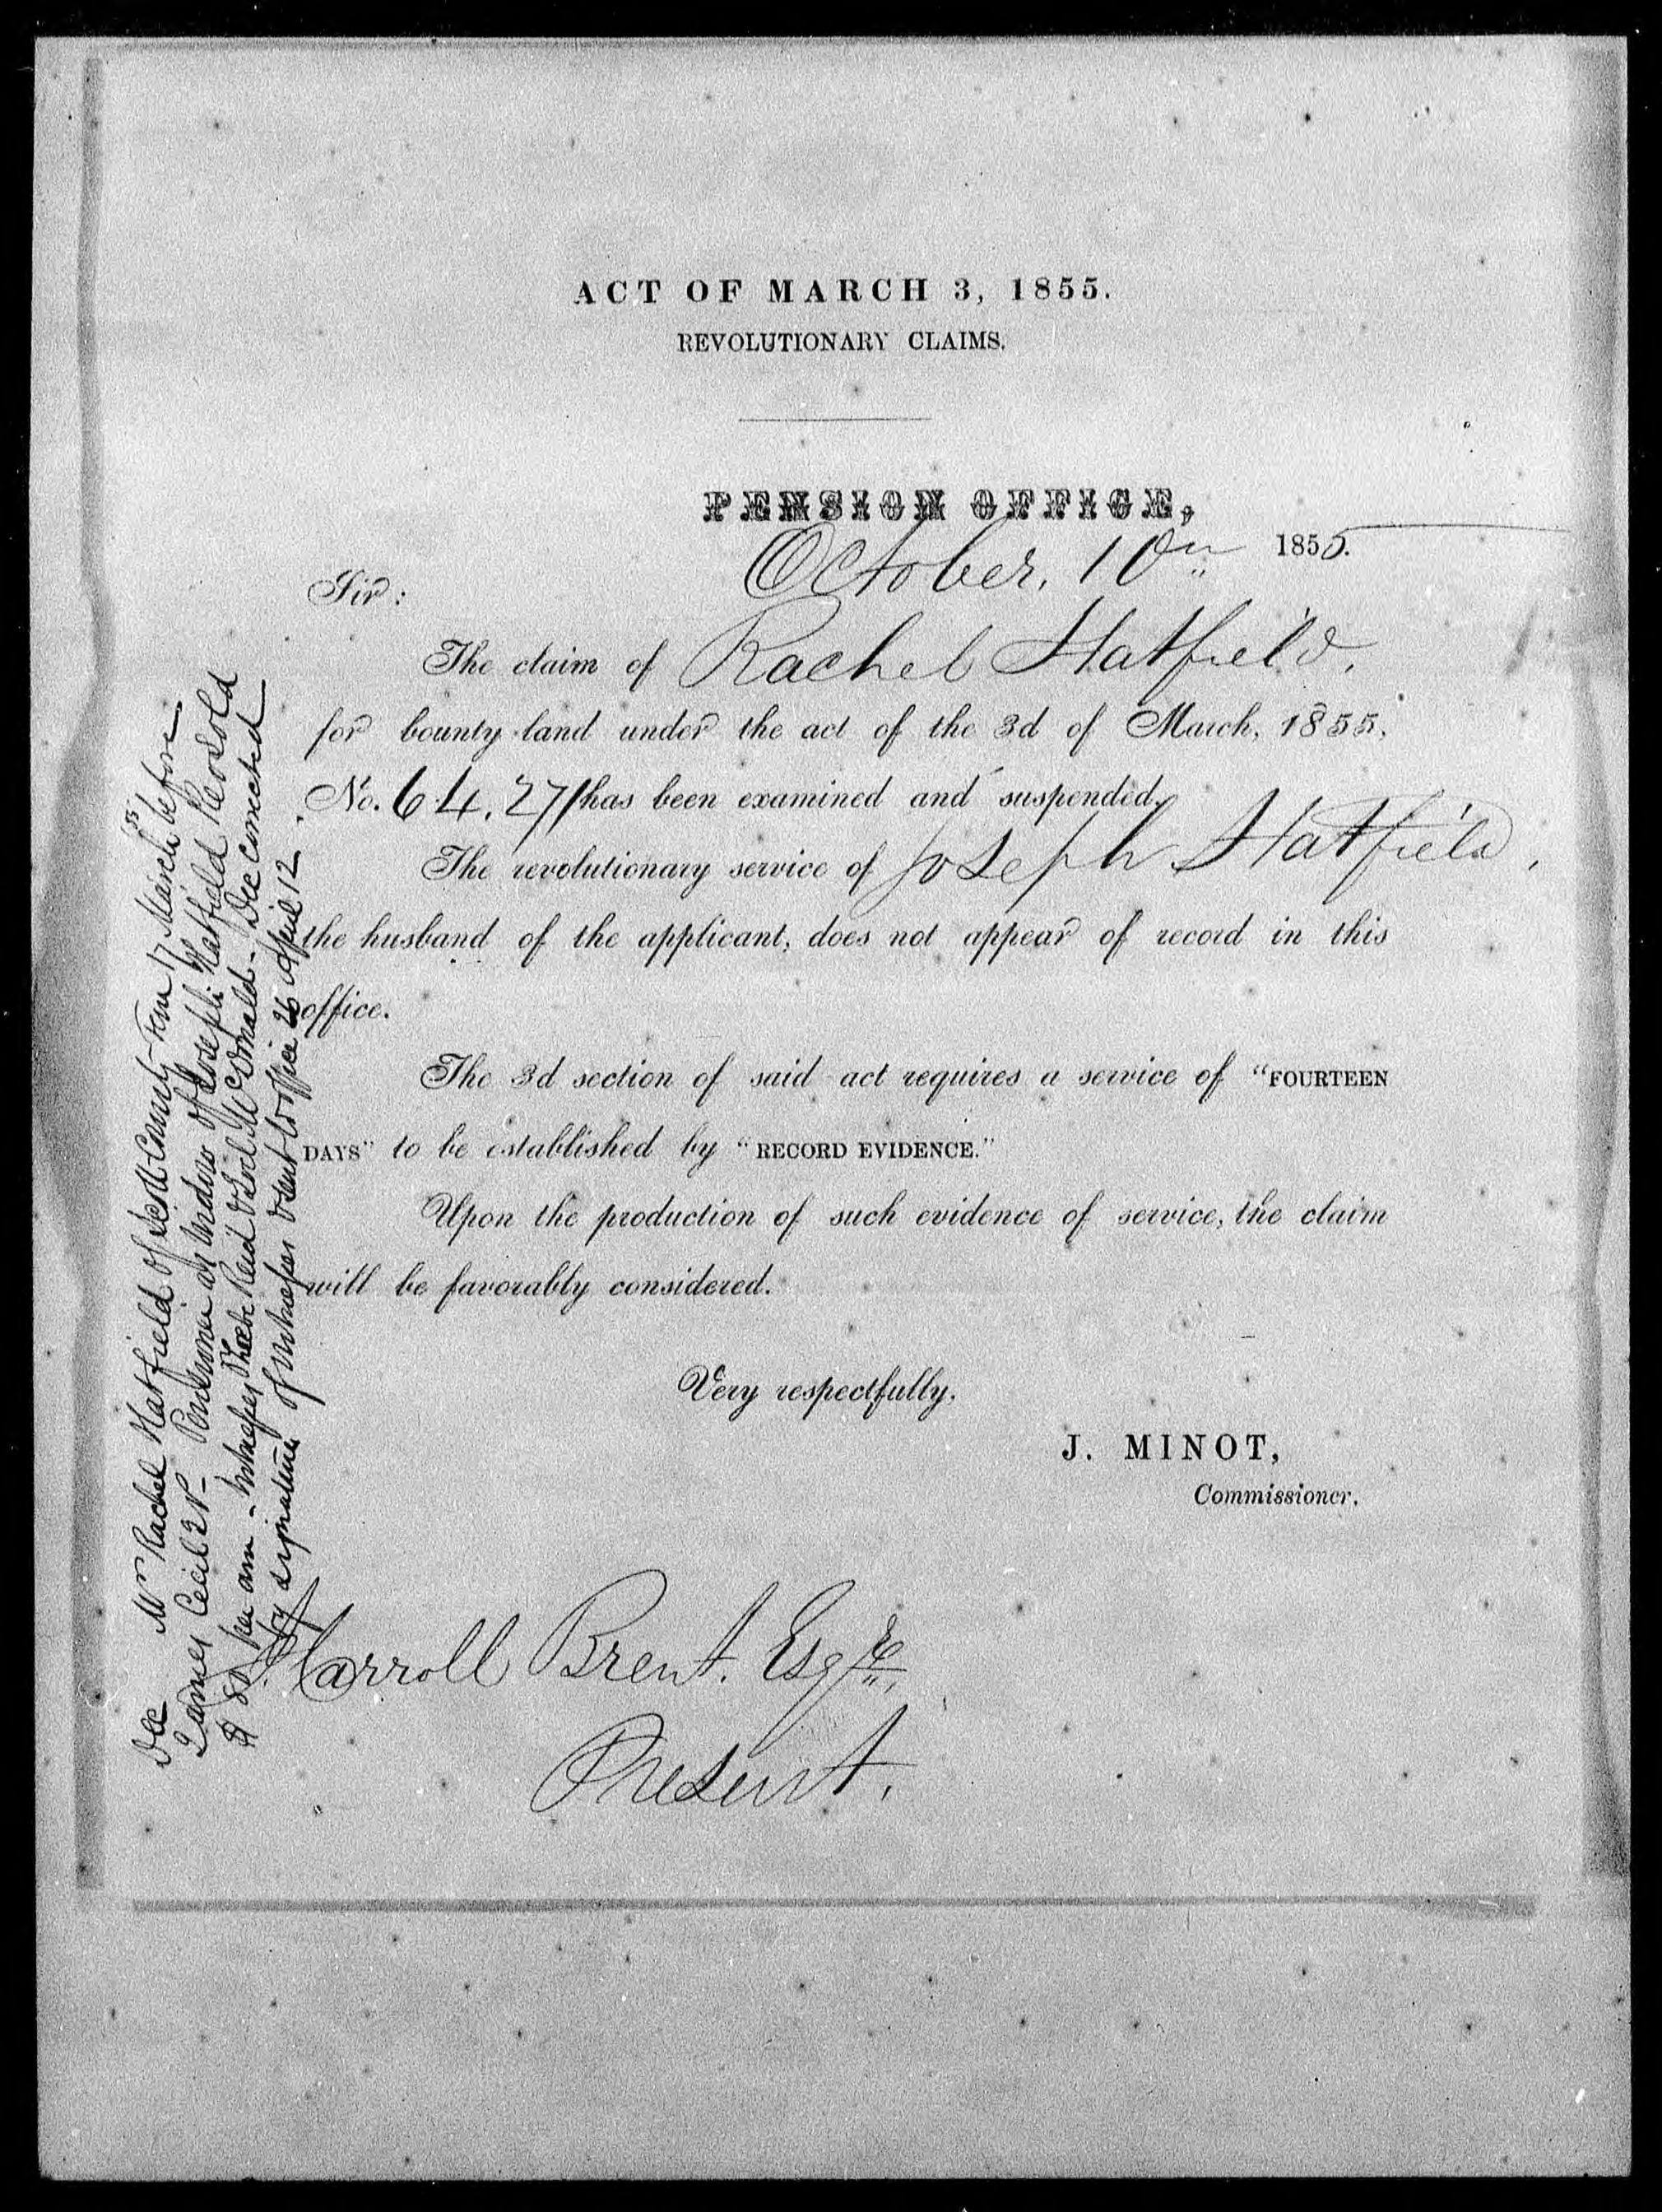ACT OF MARCH 3, 1855.
REVOLUTIONARY CLAIMS.

PENSION OFFICE,
Sir; October, 10th 1855.
The claim of Rachel Hatfield
for bounty land under the act of the 3d of March, 1855, No. 64,271 has been examined and suspended.
The revolutionary service of Joseph Hatfield the husband of the applicant, does not appear of record in this office.
The 3d section of said act requires a service of "FOURTEEN DAYS" to be established by "RECORD EVIDENCE."
Upon the production of such evidence of service, the claim will be favorably considered.
Very respectfully,
J. MINOT,
Commissioner.
J. Carroll Brent. Esqr
Present.

See Mrs. Rachel Hatfield of Scott County From 17 March before James Cecil JP - Pensioner as Widow of Joseph Hatfield Rev Sold $80 per ann. - In papers Phebe Reed & Violet McDonald - Dec conceded by departure of the papers & sent to office 26 April 12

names: Joel Mc Donald, Joseph Hatfield, James Cecil, J Minot, Joseph Hatfield, Phebe Reed, J Carroll Brent, Rachel Hatfield, Rachel Hatfield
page: 22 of 74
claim: widow's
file: W. 5, Joseph Hatfield, Va.